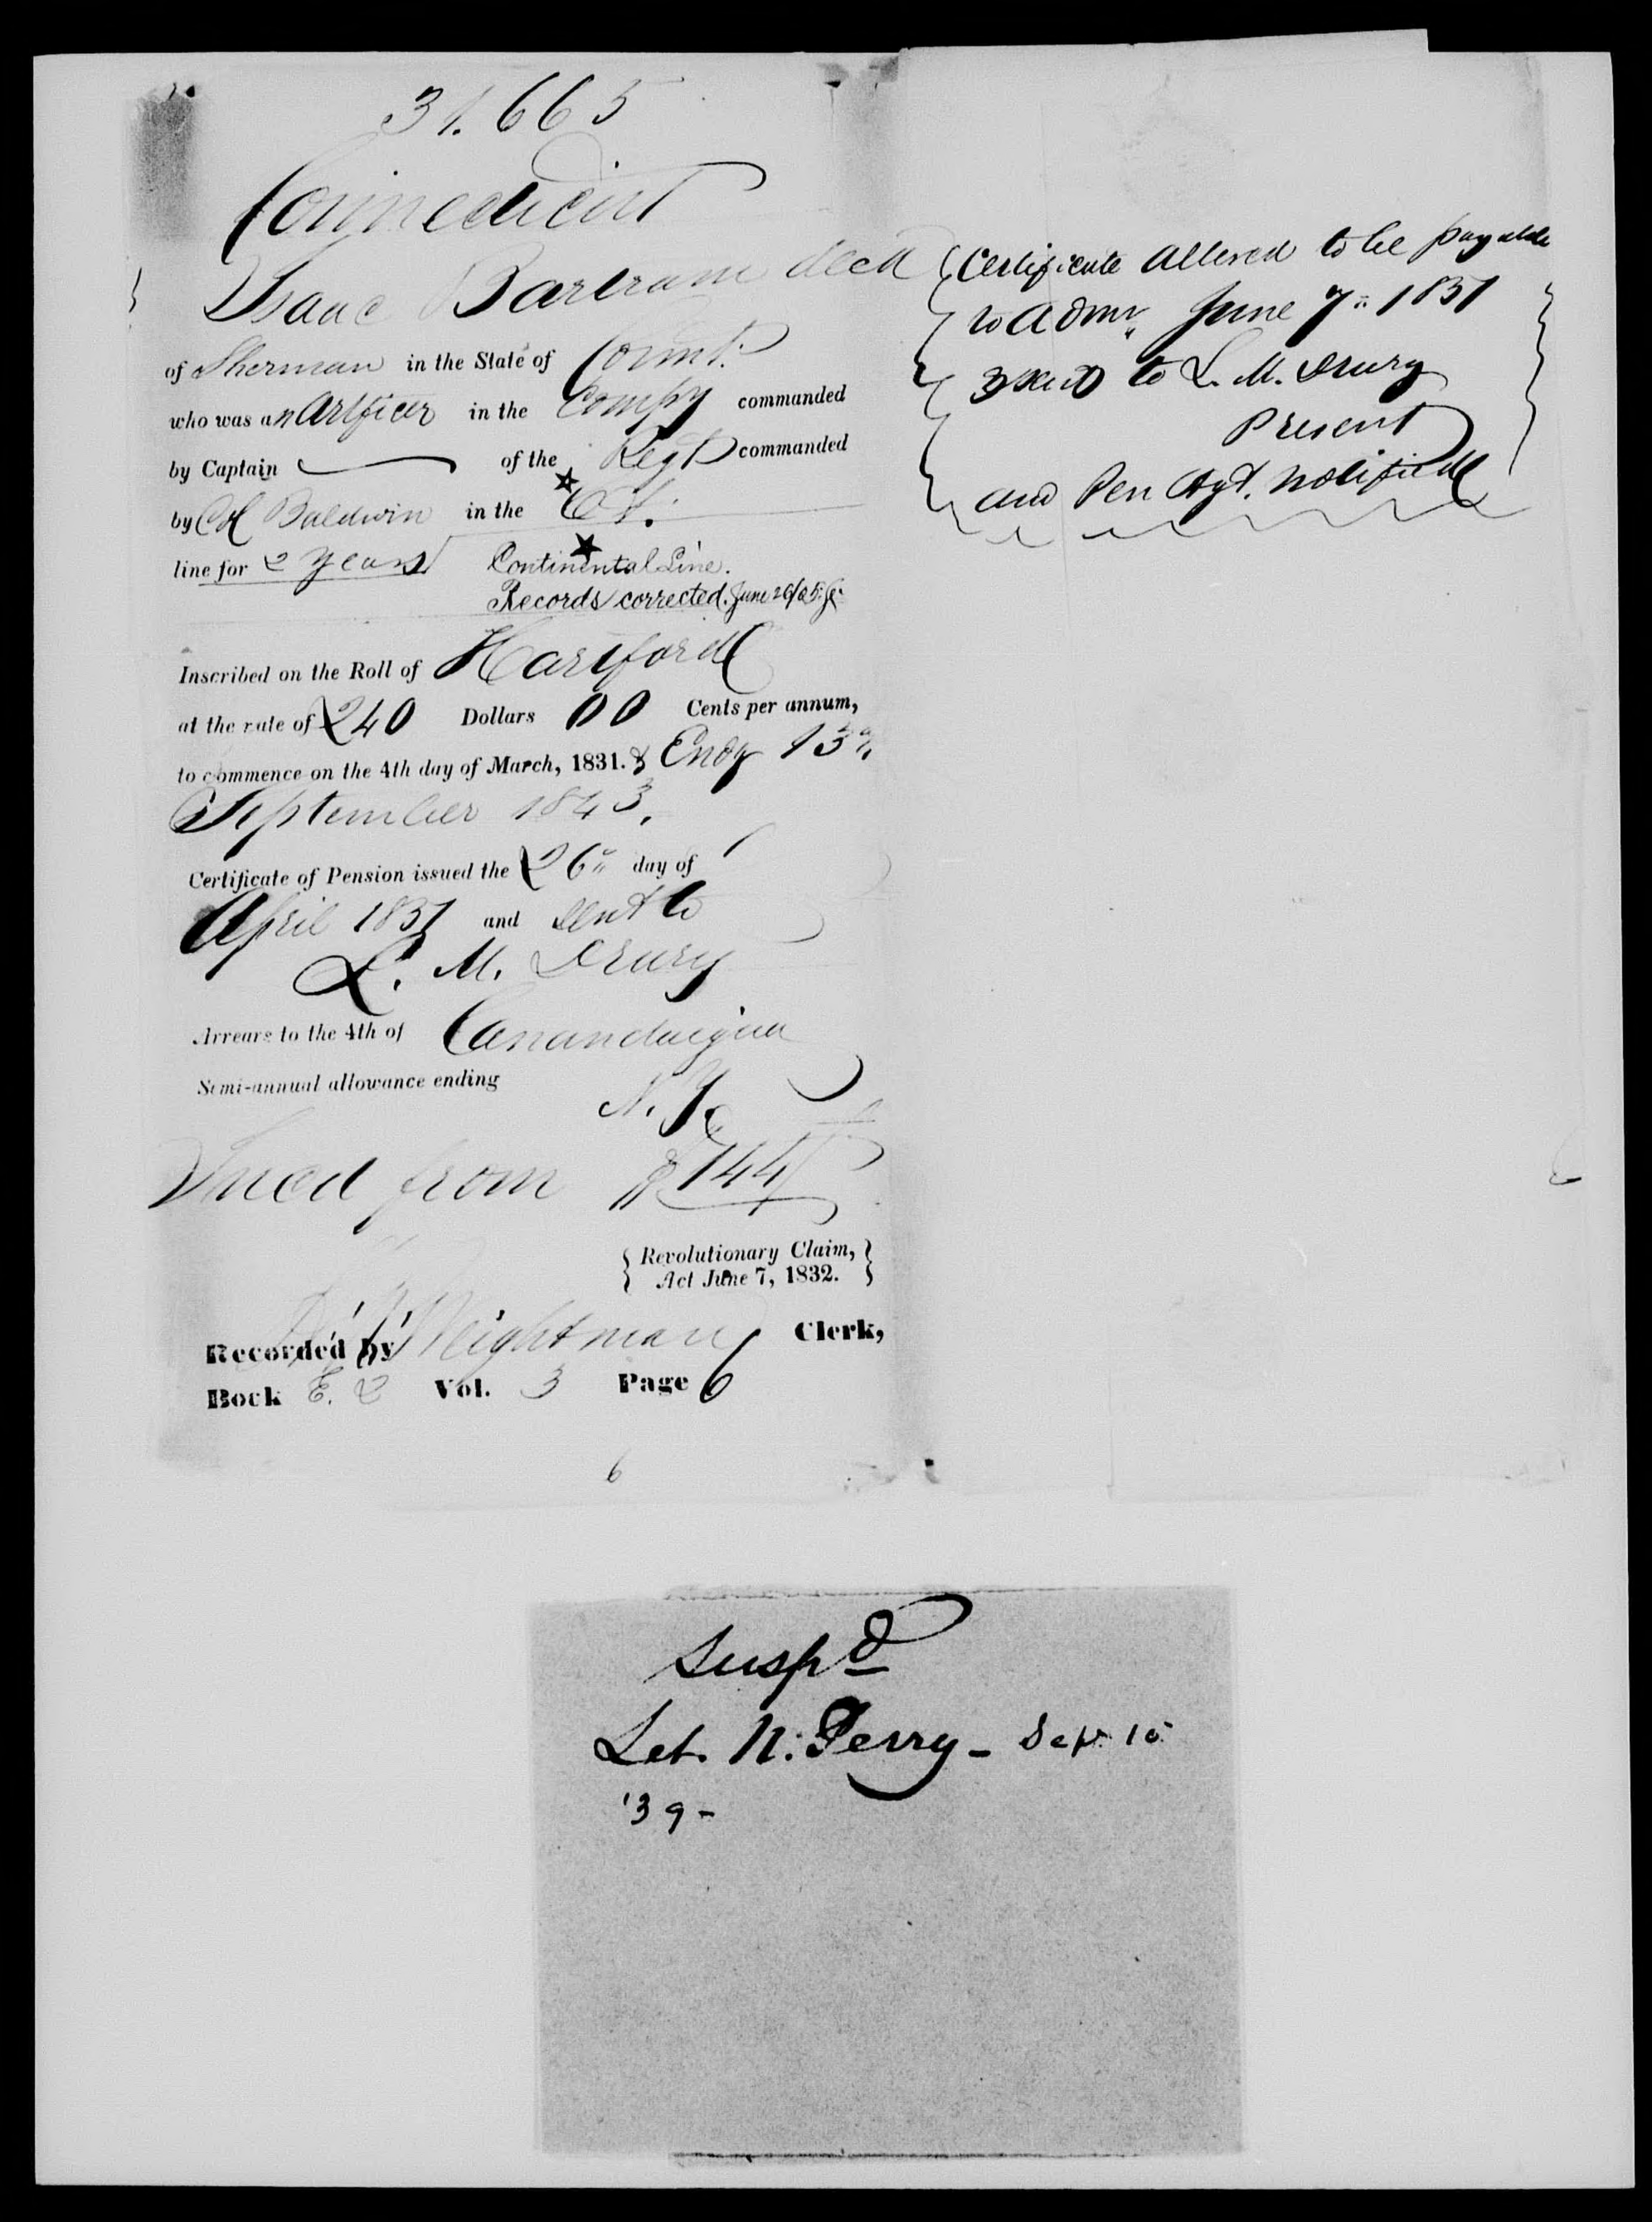31.665
Connecticut
Isaac Bartram decd
of Sherman in the State of Connt
who was an Artificer in the Compy commanded
by Captain   of the Regt commanded
by Col Baldwin
in the Ct *
line for 2 years
* Continental Line
Records corrected June 26/25 Ss.
Inscribed on the Roll of Hartford
at the rate of 240 Dollars 00 cents per annum,
to commence on the 4th day of March, 1831 & Endg 13th
September 1843.
Certificate of Pension issued the 26th day of
April 1837 and sent to
L.M. Drury
Canandaigua  NY

Arrears to the 4th of
Semi-annual allowance ending
Incd from $144

Revolutionary Claim,
Act June 7, 1832.
Recorded by [illegible initials] Weightman Clerk,
Book E2. Vol. 3  Page 6

Certificate altered to be payable
to Admr June 7th 1837
& sent to L.M. Drury
Present
and Pen Agt Notified

Suspd
Let N. Perry Sep 15 '39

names: N Perry, A F Weightman, L M Drury, Adms, Baldwin, Isaac Bartram, L M Drury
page: 17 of 39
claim: survivor's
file: S. 12110, Isaac Bartram, Continental (Conn)